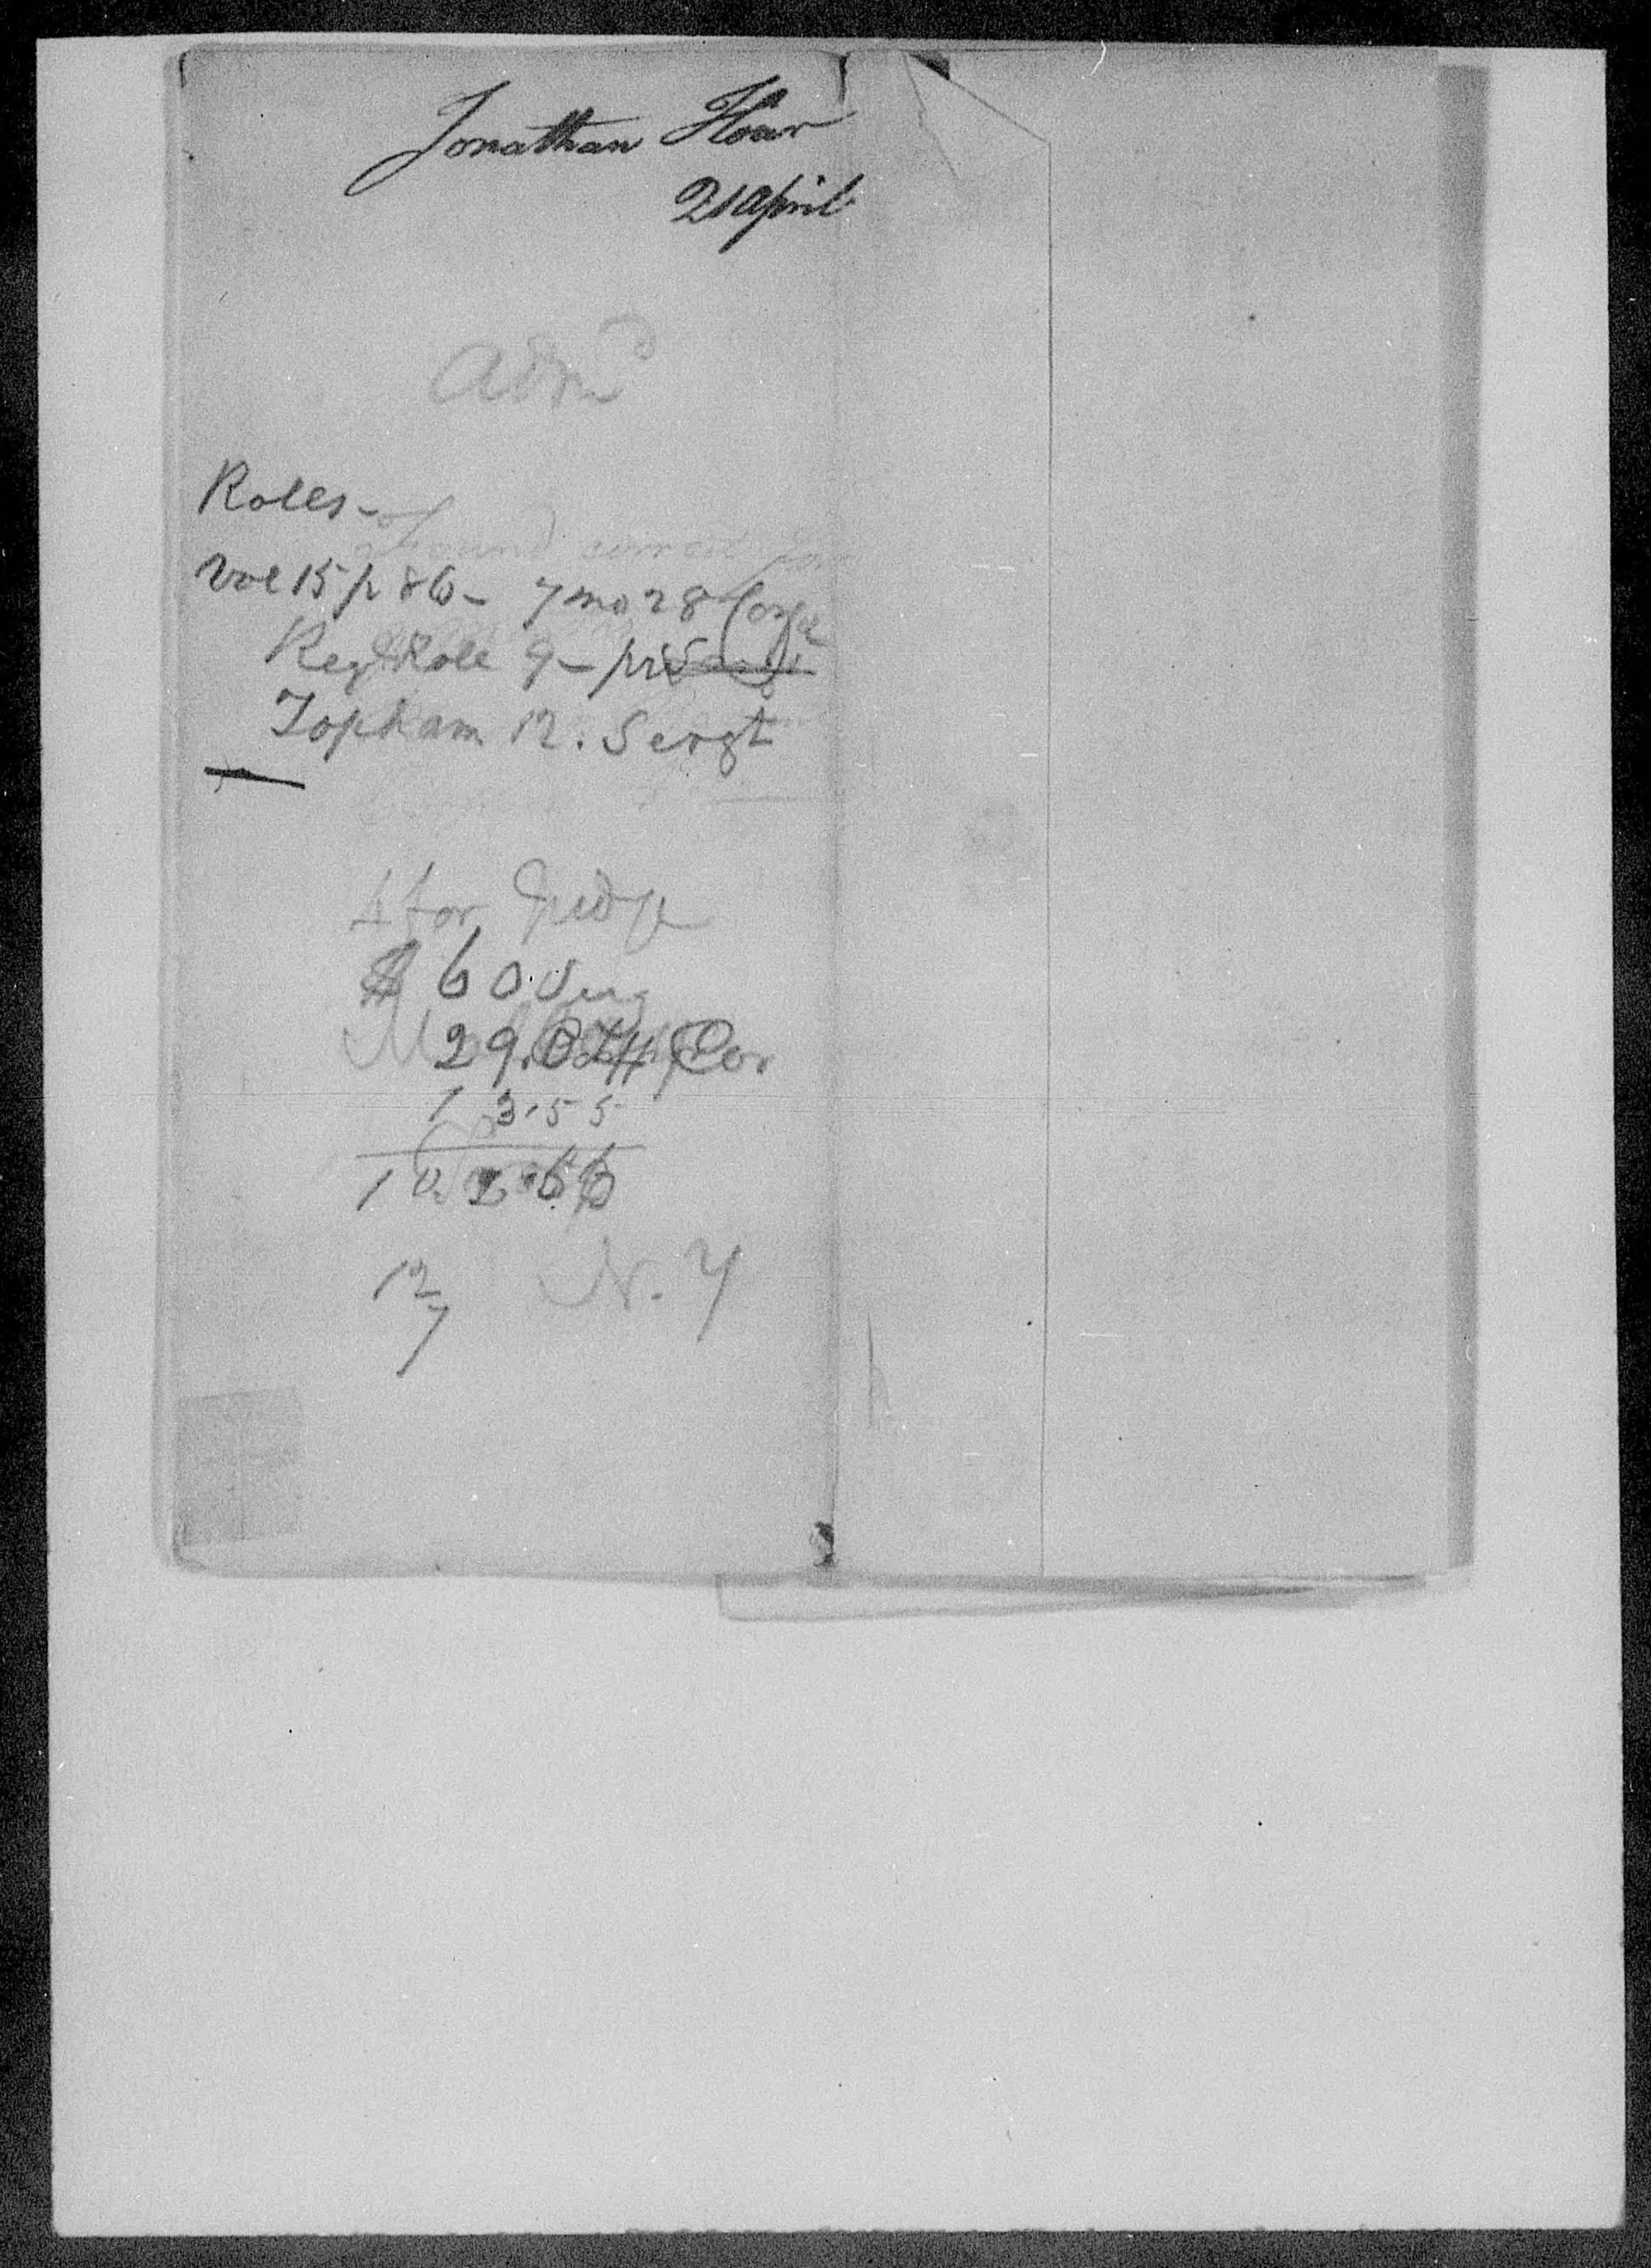Jonathan Hoar
21April
Rolls-
Vol 15 p 86- 7 mo 28 [illegible]
Regt Roll 9-[illegible]
Topham 12. Sergt
$60 [illegible]
29. [illegible]
13.55
___________
102.66
12   N.Y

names: Jonathan Hoar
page: 11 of 52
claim: widow's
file: W 19755, Jonathan Hoard, Mass.